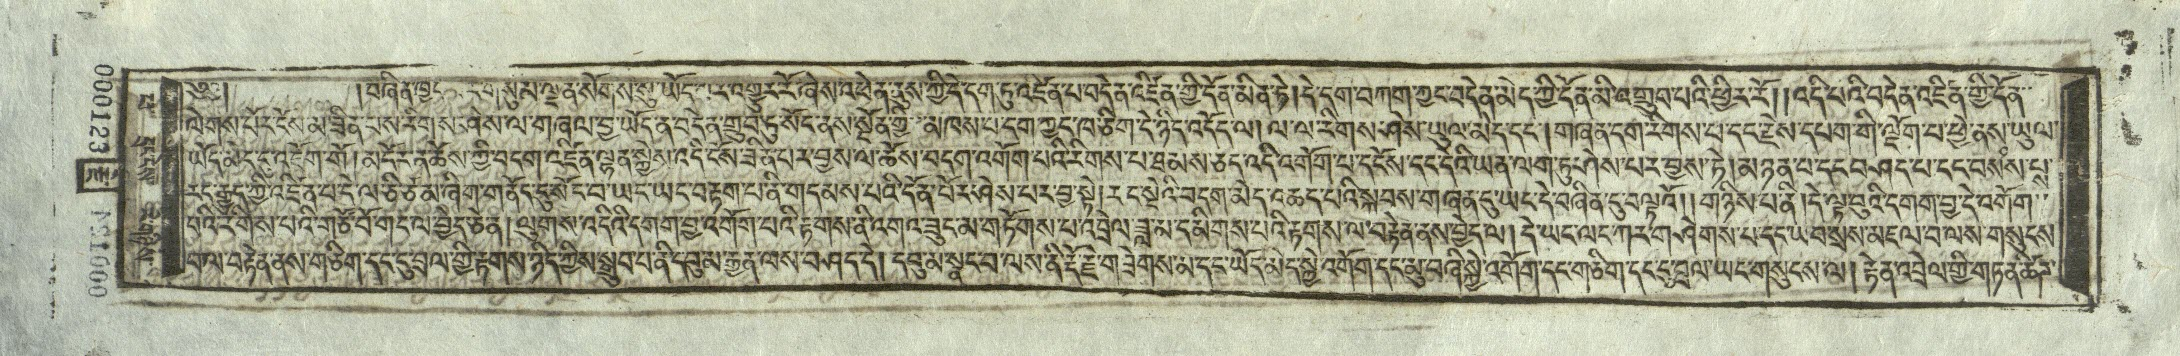༄༅། །བཞིན་ཁྱད་པར་གསུམ་ལྡན་སོགས་སུ་ཡོད་པར་འགྱུར་རོ་ཞེས་འཕེན་ནུས་ཀྱི་དེ་དག་ཏུ་འཛིན་པ་བདེན་འཛིན་གྱི་དོན་མིན་ཏེ། དེ་དག་བཀག་ཀྱང་བདེན་མེད་ཀྱི་དོན་མི་འགྲུབ་པའི་ཕྱིར་རོ། །འདི་པའི་བདེན་འཛིན་གྱི་དོན་
ལེགས་པོར་ངོས་མ་ཟིན་པས་རིགས་ཤེས་ལ་གཞལ་བྱ་ཡོད་ན་བདེན་གྲུབ་ཏུ་སོང་ནས་སྔོན་གྱིས་མཁས་པ་དག་ཀྱང་ཁ་ཅིག་དེ་ཉིད་འདོད་ལ། ལ་ལ་རིགས་ཤེས་ཡུལ་མེད་དང་། གཞན་དག་རིགས་པ་དང་རྗེས་དཔག་གི་ལྡོག་པ་ཕྱེ་ནས་ཡུལ་
ཡོད་མེད་དུ་འཇོག་གོ། མདོར་ན་ཆོས་ཀྱི་བདག་འཛིན་ལྷན་སྐྱེས་འདི་ངོས་ཟིན་པར་བྱས་ལ་ཆོས་བདག་འགོག་པའི་རིགས་པ་ཐམས་ཅད་འདི་འགོག་པ་དངོས་དང་དེའི་ཡན་ལག་ཏུ་ཤེས་པར་བྱས་ཏེ། མཉན་པ་དང་བཤད་པ་དང་བསས་པས་
རང་རྒྱུད་ཀྱི་འཛིན་པ་དེ་ལ་ཅི་ཙམ་ཞིག་གནོད་དུ་སོང་བ་ཡང་ཡང་བརྟག་པ་ནི་གདམས་པའི་དོན་པོར་ཤེས་པར་བྱ་སྟེ། རང་སྡེའི་བདག་མེད་འཆད་པའི་སྐབས་གཞན་དུ་ཡང་དེ་བཞིན་དུ་བལྟའོ། །གཉིས་པ་ནི། དེ་ལྟ་བུའི་དགག་བྱ་དེ་འགོག་
པའི་རིགས་པའི་གཙོ་བོ་གང་ལ་བྱེད་ཅེ་ན། ལུགས་འདིའི་དགག་བྱ་འགོག་པའི་རྟགས་ནི་འགའ་ཟུང་མ་གཏོགས་པ་འབྲེལ་ཟླ་མ་དམིགས་པའི་རྟགས་ལ་བརྟེན་ནས་བྱེད་ལ། དེ་ཡང་ལང་ཀར་གཤེགས་པ་དང་ཡབ་སྲས་མཇལ་བ་ལས་གསུངས་
པ་ལ་བརྟེན་ནས་གཅིག་དང་དུ་བྲལ་གྱི་རྟགས་ཉིད་ཀྱིས་སྒྲུབ་པ་ནི་དབུ་མ་རྒྱན་ལས་བཤད་དེ། དབུ་མ་སྣང་བ་ལས་ནི་རྡོ་རྗེ་གཟེགས་མ་དང་ཡོད་མེད་སྐྱེ་འགོག་དང་མུ་བཞི་སྐྱེ་འགོག་དང་གཅིག་དང་དུ་བྲལ་ཡང་གསུངས་ལ། རྟེན་འབྲེལ་གྱི་གཏན་ཚིགས་